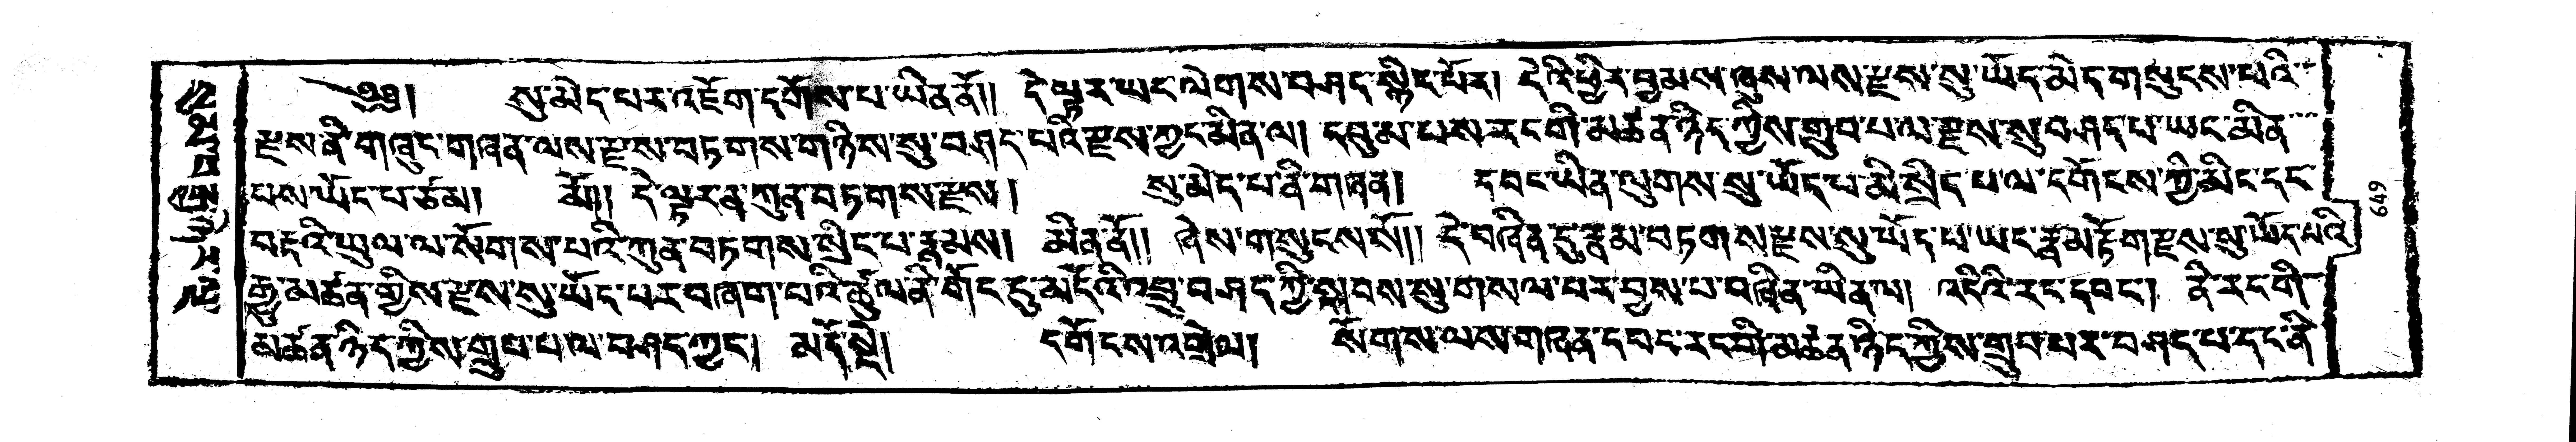༄༅། །སུ་མེད་པར་འཇོག་དགོས་པ་ཡིན་ནོ།། དེ་ལྟར་ཡང་ལེགས་བཤད་སྙིང་པོར། དེའི་ཕྱིར་བྱམས་ཞུས་ལས་རྫས་སུ་ཡོད་མེད་གསུངས་པའི་
རྫས་ནི་གཞུང་གཞན་ལས་རྫས་བཏགས་གཉིས་སུ་བཤད་པའི་རྫས་ཀྱང་མིན་ལ། དབུ་མ་པས་རང་གི་མཚན་ཉིད་ཀྱིས་གྲུབ་པ་ལ་རྫས་སུ་བཤད་པ་ཡང་མིན་
པས་ཡོད་པ་ཙམ། མོ།། དེ་ལྟར་ན་ཀུན་བཏགས་རྫས། སུ་མེད་པ་ནི་གཞན། དབང་ཡིན་ལུགས་སུ་ཡོད་པ་མི་སྲིད་པ་ལ་དགོངས་ཀྱི་མིང་དང་
བརྡའི་ཡུལ་ལ་སོགས་པའི་ཀུན་བཏགས་སྲིད་པ་རྣམས། མིན་ནོ།། ཞེས་གསུངས་སོ།། དེ་བཞིན་དུ་རྣམ་བཏགས་རྫས་སུ་ཡོད་པ་ཡང་རྣམ་རྟོག་རྫས་སུ་ཡོད་པའི་
རྒྱུ་མཚན་གྱིས་རྫས་སུ་ཡོད་པར་བཞག་པའི་ཚུལ་ནི་གོང་དུ་མདོའི་འབྲུ་བཤད་ཀྱི་སྐབས་སུ་གསལ་པར་བྱས་པ་བཞིན་ཡིན་ལ། འདིའི་རང་དབང་། ནི་རང་གི་
མཚན་ཉིད་ཀྱིས་གྲུབ་པ་ལ་བཤད་ཀྱང་། མདོ་སྡེ། དགོངས་འགྲེལ། སོགས་ལས་གཞན་དབང་རང་གི་མཚན་ཉིད་ཀྱིས་གྲུབ་པར་བཤད་པ་དང་ནི་